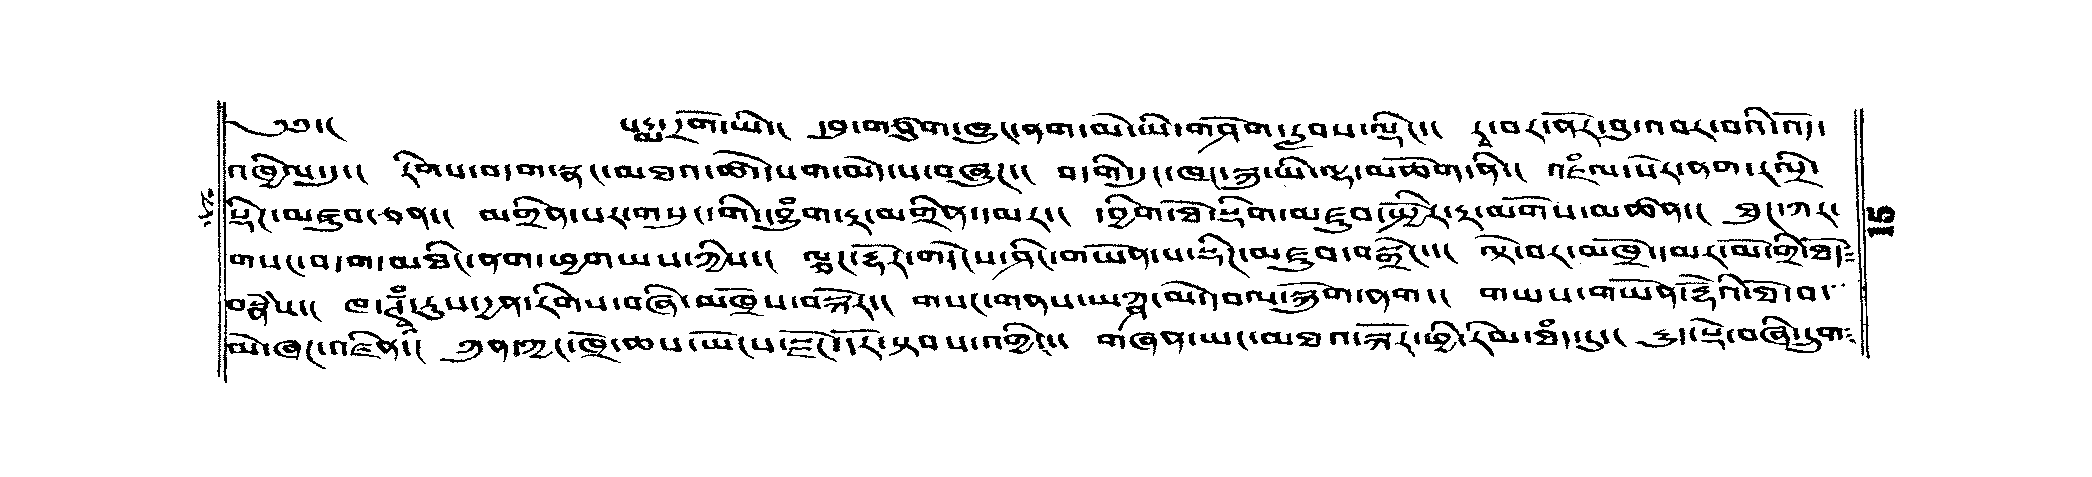པདྨ་དྲག་པོ་ཡི། །དབུ་གཙུག་ཁྱུང་ནག་མེ་ཡི་གཤོག་རླབས་ལྡིང་། །རྭ་བར་ནོར་བུ་འབར་བའི་འོད་
འཁྱིལ་དུ། །རིགས་བདག་སྣང་མཐའ་ཚེ་དཔག་མེད་པ་བཞུགས། །བདག་གི་དུང་ཁང་སྐུ་ཡི་ལྷ་མཆོག་ནི། ། འཇམ་དཔལ་སེར་ནག་རལ་གྲི་
སྡིགས་མཛུབ་ཅན། །མགྲིན་པར་གསུང་གི་དབང་ཕྱུག་རྟ་མགྲིན་དམར། །དབྱིག་ཐོ་སྡིག་མཛུབ་སྤྱི་བོར་རྟ་མགོས་མཚན། །ཐུགས་ཀར་
གསང་བདག་མཐིང་ནག་ཕྱག་གཡས་ཀྱིས། །ལྕགས་རྡོར་གདེངས་ཤིང་གཡོན་པ་སྡིགས་མཛུབ་བསྒྲེངས། །ལྟེ་བར་མཁའ་འགྲོ་དམར་མོ་གྲི་ཐོད་
བསྣམས། །ཁ་ཊྭཾ་རུས་རྒྱན་རིགས་བཞི་མཁའ་འགྲོས་་བསྐོར། །གསང་གསན་ཡཀྴ་མེ་དབལ་སྐུ་མདོག་ནག་གཡས་གཡོན་རྡོརྗེའི་ཐོ་བ་
མེ་ཞགས་འཛིན། །ཀུན་ཀྱང་ཁྲོ་ཆས་ཡོངས་རྫོགས་དོར་སྟབས་འགྱིང་། །གཞན་ཡང་མཐའ་སྐོར་ཕྱི་རིམ་ཐམས་ཅད་དུ། །རྒྱུད་སྡེ་བཞི་དྲུག་